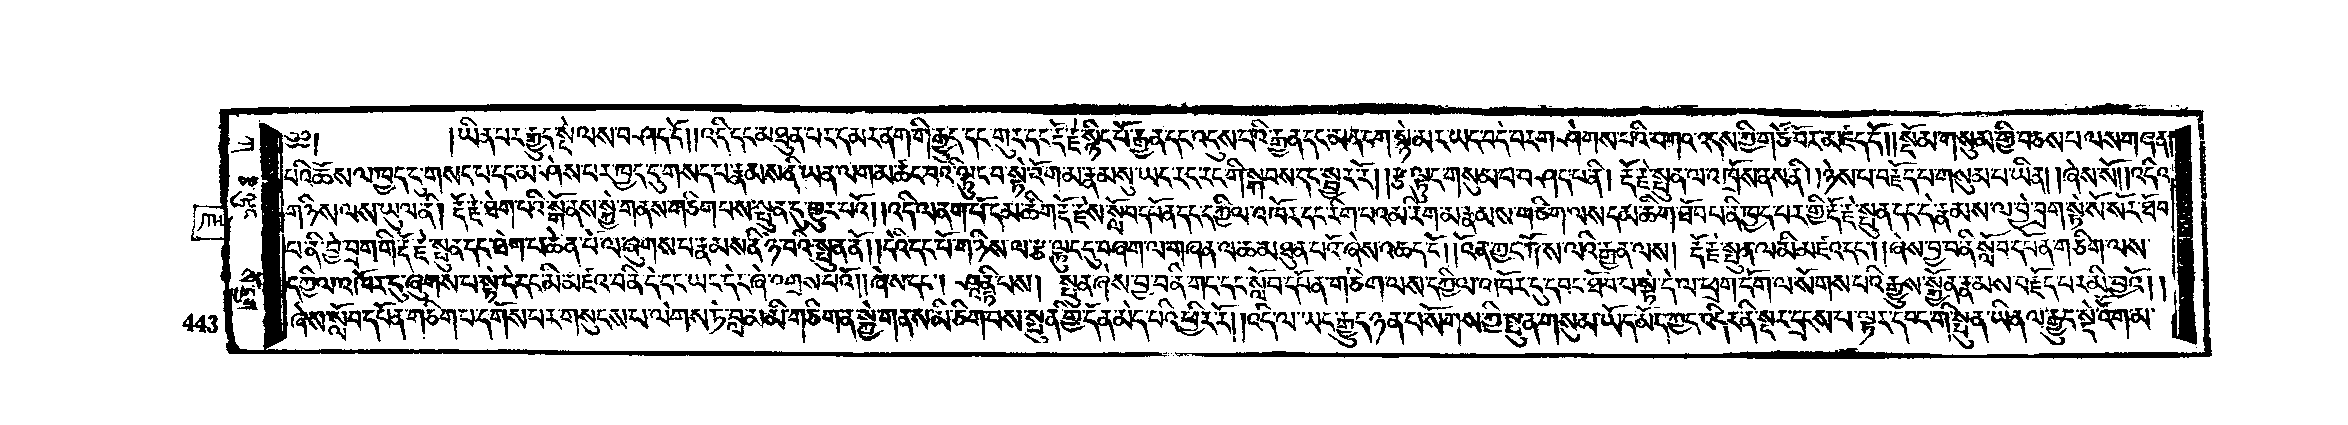༄༅། །ཡིན་པར་རྒྱུད་སྡེ་ལས་བཤད་དོ། །འདི་དང་མཐུན་པར་དམར་ནག་གི་རྒྱུད་དང་གུར་དང་རྡོ་རྗེ་སྙིང་པོ་རྒྱན་དང་འདུས་པའི་རྒྱན་དང་མན་ངག་སྙེ་མར་ཡང་བདེ་བར་གཤེགས་པའི་བཀའ་འདས་ཀྱི་གཙོ་བོར་མཛད་དོ། །སྡོམ་གསུམ་གྱི་བཅས་པ་ལས་གཞན་
པའི་ཆོས་ལ་ཁྱད་དུ་གསང་པ་དང་མ་ཤེས་པར་ཁྱད་དུ་གསད་པ་རྣམས་ནི་ཡན་ལག་མ་ཚང་བའི་ལྟུང་བ་སྟེ་འོག་མ་རྣམས་སུ་ཡང་རང་རང་གི་སྐབས་དང་སྦྱར་རོ། །རྩ་ལྟུང་གསུམ་པ་བཤད་པ་ནི། རྡོ་རྗེ་སྤུན་ལ་འཁྲོས་ནས་ནི། །ཉེས་པ་བརྗོད་པ་གསུམ་པ་ཡིན། །ཞེས་སོ། །འདིའི་
གཉིས་ལས་ཡུལ་ནི། རྡོ་རྗེ་ཐེག་པའི་སྒོ་ནས་སྐྱེ་གནས་གཅིག་པས་སྤུན་དུ་གྱུར་པའོ། །འདི་ལ་ནག་པོ་དམ་ཚིག་རྡོ་རྗེས་སློབ་དཔོན་དང་དཀྱིལ་འཁོར་དང་རིག་པའམ་རིག་མ་རྣམས་གཅིག་ལས་དམ་ཚིག་ཐོབ་པ་ནི་ཁྱད་པར་གྱི་རྡོ་རྗེ་སྤུན་དང་དེ་རྣམས་ལ་བྱེ་བྲག་སྟེ་སོ་སོར་ཐོབ་
པ་ནི་བྱེ་བྲག་གི་རྡོ་རྗེ་སྤུན་དང་ཐེག་པ་ཆེན་པོ་ལ་ཞུགས་པ་རྣམས་ནི་ཉེ་བའི་སྤུན་ནོ། །དེའི་དང་པོ་གཉིས་ལ་རྩ་ལྟུང་དུ་བཞག་ལ་གཞན་ལ་ཆ་མཐུན་པའོ་ཞེས་འཆད་དོ། །འོན་ཀྱང་ཀོ་ས་ལའི་རྒྱན་ལས། རྡོ་རྗེ་སྤུན་ལ་མི་མཛའ་དང་། །ཞེས་བྱ་བ་ནི་སློབ་དཔོན་གཅིག་ལས་
དཀྱིལ་འཁོར་དུ་ཞུགས་པ་སྟེ་དེ་དང་མི་མཛའ་བ་ནི་དེ་དང་ཡང་དེད་ཞེ་འགྲས་པའོ། །ཞེས་དང་། ཤཱནྟི་པས། སྤུན་ཞེས་བྱ་བ་ནི་གང་དང་སློབ་དཔོན་གཅིག་ལས་དཀྱིལ་འཁོར་དུ་དབང་ཐོབ་པ་སྟེ་དེ་ལ་ཕྲག་དོག་ལ་སོགས་པའི་རྒྱུས་སྐྱོན་རྣམས་བརྗོད་པར་མི་བྱའོ། །
ཞེས་སློབ་དཔོན་གཅིག་པ་དགོས་པར་གསུངས་པ་ལེགས་ཏེ་བླ་མ་མི་གཅིག་ན་སྐྱེ་གནས་མི་ཅིག་པས་སྤུན་གྱི་དོན་མེད་པའི་ཕྱིར་རོ། །འདི་ལ་ཡང་རྒྱུད་ཉན་པ་སོགས་ཀྱི་སྤུན་གསུམ་ཡོད་མོད་ཀྱང་འདིར་ནི་སྔར་དྲངས་པ་ལྟར་དབང་གི་སྤུན་ཡིན་ལ་རྒྱུད་སྡེ་འོག་མ་